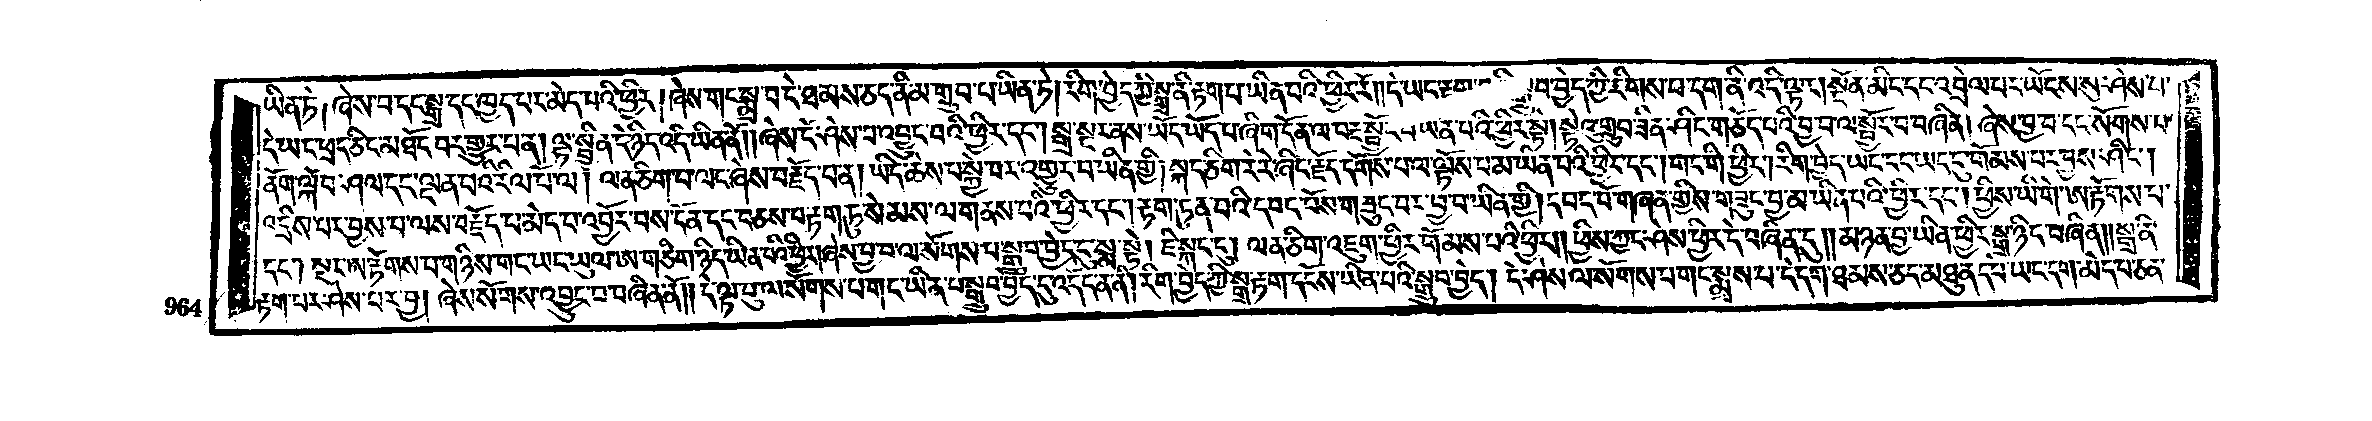ཡིན་ཏེ། ཞེས་བ་དང་སྒྲ་དང་ཁྱད་པར་མེད་པའི་ཕྱིར། ཞེས་གང་སྨྲ་བ་དེ་ཐམས་ཅད་ནི་མ་གྲུབ་པ་ཡིན་ཏེ། རིག་བྱེད་ཀྱི་སྒྲ་ནི་རྟག་པ་ཡིན་པའི་ཕྱིར་རོ། །དེ་ཡང་རྟག་པའི་སྒྲུབ་བྱེད་ཀྱི་རིགས་པ་དག་ནི་འདི་ལྟར། སྔོན་མིང་དང་འབྲེལ་པར་ཡོངས་སུ་ཤེས་པ་
དེ་ཡང་ཕྲད་ཅིང་མཐོང་བར་གྱུར་པ་ན། ལྷ་སྦྱིན་དེ་ཉིད་འདི་ཡིན་ནོ། །ཞེས་ངོ་ཤེས་པ་འབྱུང་བའི་ཕྱིར་དང་། སྒྲ་སྔར་ནས་ཡོད་ཡོད་པ་ཞིག་དོན་ལ་བརྡ་སྦྱོར་བ་ཡིན་པའི་ཕྱིར་སྟེ། སྟེའུ་གྲུབ་ཟིན་ཤིང་གཅོད་པའི་བྱ་བ་ལ་སྦྱོར་བ་བཞིན། ཞེས་བྱ་བ་དང་སོགས་པ་
ནོག་ལྐོག་པ་ཤལ་དང་ལྡན་པའི་རིལ་པོ་ལ། ལན་ཅིག་བ་ལང་ཞེས་བརྗོད་པ་ན། ཡིད་ཆེས་པ་སྐྱེ་བར་འགྱུར་པ་ཡིན་གྱི། སྐད་ཅིག་རེ་རེ་ཞིང་རྗོད་དགོས་པ་ལ་ལྟོས་པ་མ་ཡིན་པའི་ཕྱིར་དང་། གང་གི་ཕྱིར། རིག་བྱེད་ཡང་དང་ཡང་དུ་གོམས་པར་བྱས་ཤིང་།
འདྲིས་པར་བྱས་པ་ལས་བརྗོད་པ་མེད་པ་འབྱོར་བས་དོན་དང་བཅས་རྟག་ཏུ་སེམས་ལ་གནས་པའི་ཕྱིར་དང་། རྟག་ཏུན་ན་བའི་དབང་པོས་གཟུང་བར་བྱ་བ་ཡིན་གྱི། དབང་པོ་གཞན་གྱིས་བཟུང་བྱ་མ་ཡིན་པའི་ཕྱིར་དང་། ཕྱིས་ཡི་གེ་ཨ་རྟོགས་པ་
དང་། སྔར་ཨ་རྟོགས་པ་གཉིས་གང་ཡང་ཡུལ་ཨ་གཅིག་ཉིད་ཡིན་པའི་ཕྱིར། ཞེས་བྱ་བ་ལ་སོགས་པ་སྒྲུབ་བྱེད་དུ་སྨྲ་སྟེ། ཇི་སྐད་དུ། ལན་གཅིག་འཇུག་ཕྱིར་གོམས་པའི་ཕྱིར། །ཕྱིས་ཀྱང་ཤེས་ཕྱིར་དེ་བཞིན་དུ། །མཉམ་བྱ་ཡིན་ཕྱིར་སྒྲ་ཉིད་བཞིན། སྒྲ་ནི་
རྟག་པར་ཤེས་པར་བྱ། ཞེས་སོགས་འབྱུང་བ་བཞིན་ནོ། །དེ་ལྟ་བུ་ལ་སོགས་པ་གང་ཡིན་པ་སྒྲུབ་བྱེད་དུ་འདོད་ན་ནི། རིག་བྱེད་ཀྱི་སྒྲ་རྟག་དངོས་ཡིན་པའི་སྒྲུབ་བྱེད། དེ་ཤེས་ལ་སོགས་པ་གང་སྨྲས་པ་དེ་དག་ཐམས་ཅད་མཐུན་དཔེ་ཡང་དག་མེད་པ་ཅན་